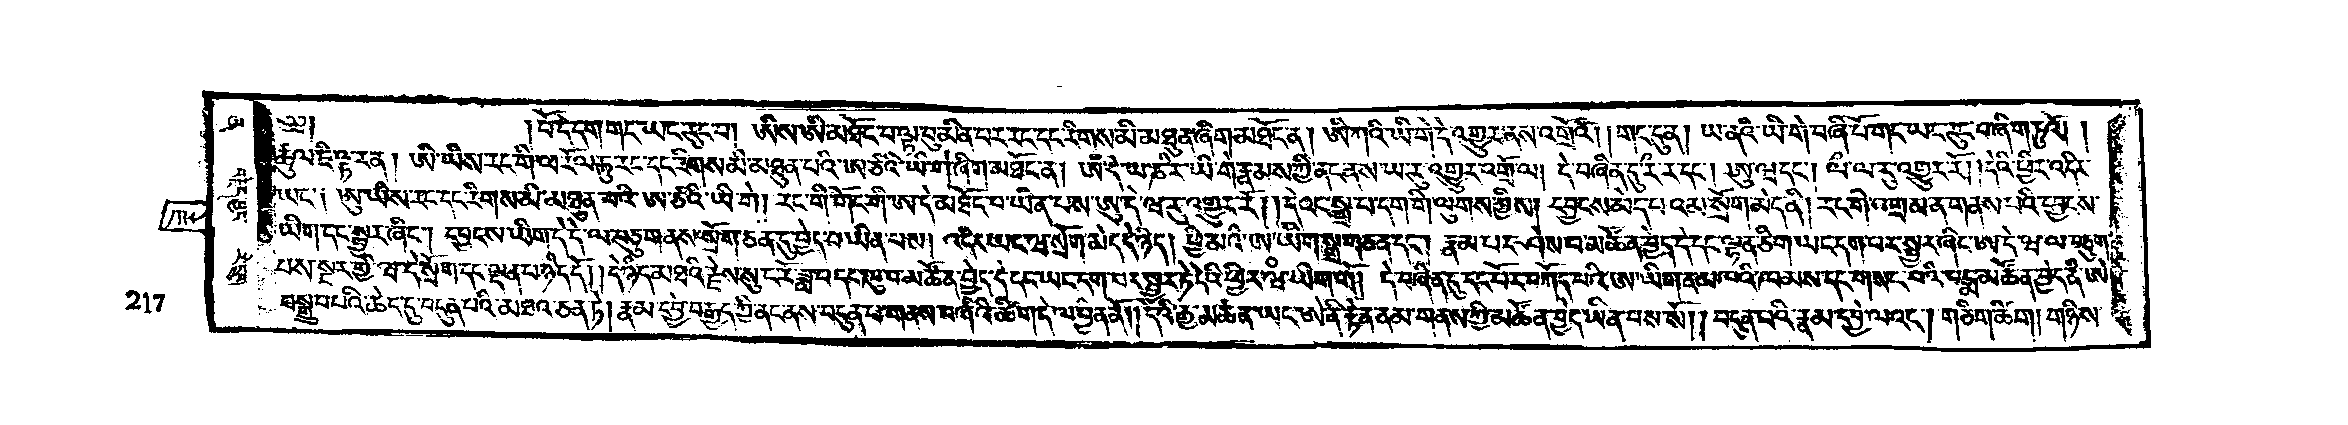༄༅། །པོ་དེ་དག་གང་ཡང་རུང་བ། ཨིས་ཨི་མཐོང་བ་ལྟ་བུ་མིན་པར་རང་དང་རིགས་མི་མཐུན་ཞིག་མཐོང་ན། ཨི་ཀའི་ཡི་གེ་དེ་འགྱུར་ནས་འགྲོའོ། །གང་དུ་ན། ཡ་ནའི་ཡི་གེ་བཞི་པོ་གང་ཡང་རུང་བ་ཞིག་ཏུའོ། །
ཚུལ་ཇི་ལྟར་ན། ཨི་ཡིས་རང་གི་ཕ་རོལ་ཏུ་རང་དང་རིགས་མི་མཐུན་པའི་ཨ་ཙའི་ཡི་གེ་ཞིག་མཐོང་ན། ཨི་དེ་ཡ་ཎིང་ཡི་གེ་རྣམས་ཀྱི་ནང་ནས་ཡ་རུ་འགྱུར་འགྲོ་ལ། དེ་བཞིན་དུ་རྀ་ར་དང་། ཨུ་ཝ་དང་། ལྀ་ལ་རུ་འགྱུར་རོ། །དེའི་ཕྱིར་འདིར་
ཡང་། ཨུ་ཡིས་རང་དང་རིགས་མི་མཐུན་པའི་ཨ་ཙའི་ཡི་གེ། རང་གི་གོང་གི་ཨ་དེ་མཐོང་བ་ཡིན་པས་ཨུ་དེ་ཝ་རུ་འགྱུར་རོ། །དེའང་སྤྲ་?་པ་དག་གི་ལུགས་ཀྱིས། དབྱངས་མེད་པའམ་སྲོག་མེད་ནི། རང་གི་འགྲམ་ན་གནས་པའི་དབྱངས་
ཡིག་དང་སྦྱར་ཞིང་། དབྱངས་ཡིག་དེ་དེ་ལ་བཅུ་གནས་སྲོག་ཅན་དུ་བྱེད་པ་ཡིན་པས། འདིར་ཡང་ཝ་སྲོག་མེད་དེ་ཉིད། བྱེ་བའི་ཨ་?་ཡིག་སྒྲ་གཅན་དང་། རྣམ་པར་ཤེས་པ་མཚོན་བྱེད་དེ་དང་ལྷན་ཅིག་ཡང་དག་པར་སྦྱར་ཞིང་ཨ་དེ་ཝ་ལ་བཅུག་
པས་སྔར་གྱི་ཝ་དེ་སྲོག་དང་ལྡན་པ་ཉིད་དོ། །དེ་ཉིད་མཐའི་རྗེས་སུ་ང་རོ་ཟླ་བ་དང་ཁུ་བ་མཚོན་བྱེད་དེ་དང་ཡང་དག་པར་སྦྱར་ཏེ་དེའི་ཕྱིར་ཝཾ་ཡིག་གོ །དེ་བཞིན་དུ་དང་པོར་བཀོད་པའི་ཨ་ཡིག་ནམ་མཁའི་ཁམས་དང་གསང་བའི་པདམ་མཚོན་བྱེད་ནི་ཨེ་
བསྒྲུབ་པའི་ཆེད་དུ་བདུན་པའི་མཐའ་ཅན་ཏེ། རྣམ་དབྱེ་བརྒྱད་ཀྱི་ནང་ནས་བདུན་པ་གནས་བཞིའི་ཚིག་དེ་ལ་བྱིན་ནོ། །དེའི་རྒྱ་མཚན་ཡང་ཨ་ནི་རྟེན་ནམ་གནས་ཀྱི་མཚོན་བྱེད་ཡིན་པས་སོ། །བདུན་པའི་རྣམ་དབྱེ་ལའང་། གཅིག་ཚིག །གཉིས་